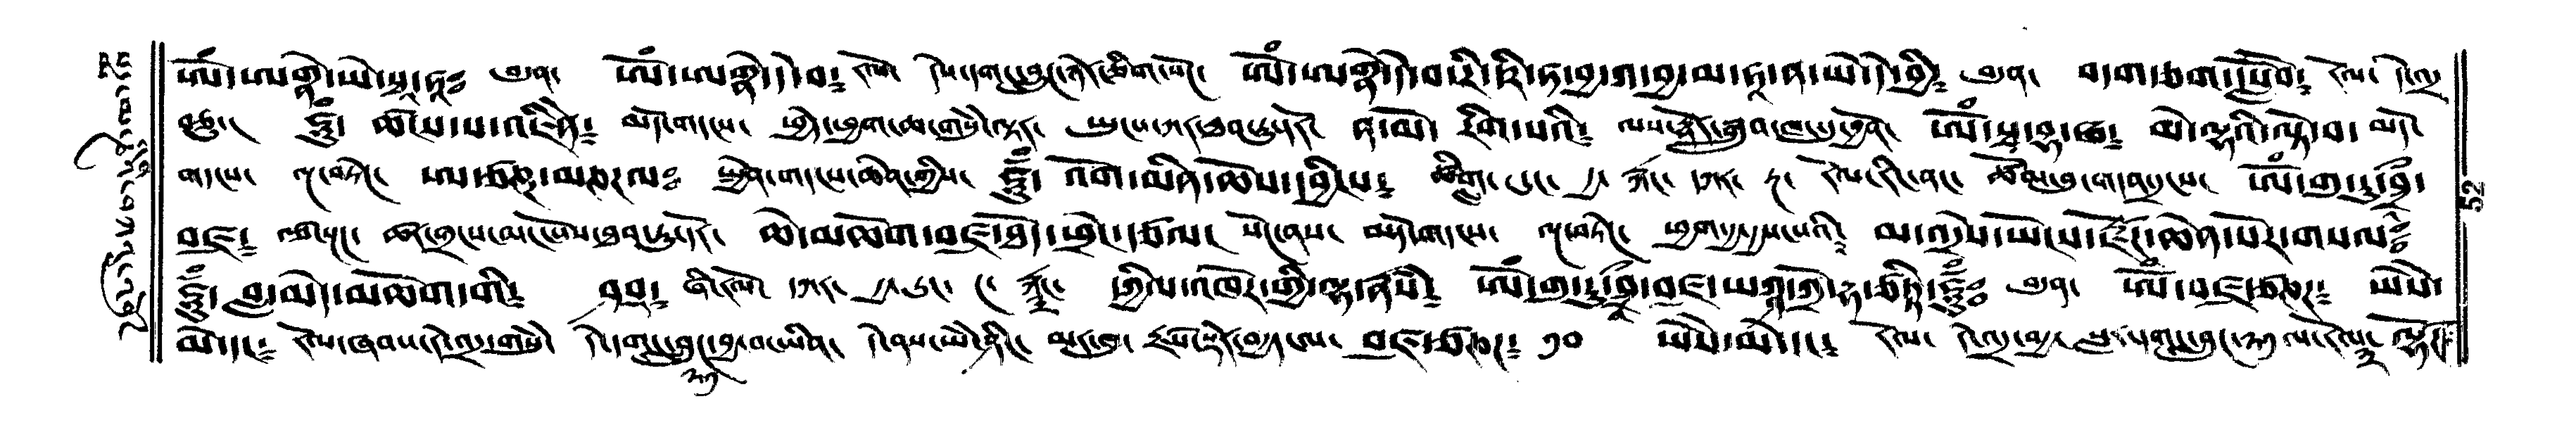ཨོཾ་ཨགྣེ་ཡེ་སྭཧཱཿ བདུན། ཨོཾ་ཨགྣེ་དེ་བ༴ རོལ། དེས་དགང་བླུགས་ཉེར་གཅིག་སོགས། ཨོཾ་ཨགྣེ་དེ་བ་རི་རི་ཧ་བྱ་ཀ་བྱ་མ་ཧཱ་ན་ཡེ་དེ་བེ༴ བདུན། བདག་ཅག་དཔོན་སློབ་༴ རོལ། དེ་འདྲ་
བཅུ། ཧཱུྃཿ ཚངས་པ་འཇིག་རྟེན༴ མདོ་གདངས། ཕྱེད་ཕྱག་ཆ་གསུམ་ལྟར། ཡུངས་ཀར་ཐབ་ཏུ་དོར། ན་མོཿ རིག་པའི༴ ལས་རྡོར་སྒྲུབ་ཁང་དུ་བྱོན། ཨོཾ་སྭ་བྷ་ཝ༴ མེ་ལྷའི་ལྟོ་བ༴ མདོ་
གདངས། ལྔ་བཏེགས། ཨ་ཙཎྜ་མཎ་ཌ་ལཿ སྤྱན་འདྲེན་གདངས་ཆེན་གྱིས། ཧཱུྃཿ འོག་མིན་ཆོས་དབྱིངས༴ ཚིག་བཞི། དུང་། རྒྱ། རྐང་། དཀར། ཌཱ། རོལ་རིང་ནང་ཚོམ་བུ་གདན་དྲངས། ཨོཾ་གུ་རུ་ཤྲཱི་
བཛྲ༴ རྩ་སྔགས། ཚར་གྲངས་མང་པོས་ཐབ་ཏུ་དོར། ཆེ་མཆོག་བཛྲ་ཐོད་ཕྲེང་རྩལཿ སོགས་ནས། མདོ་གདངས། ལྔ་བཏེགས། ཕྱག་རྒྱ་རྒྱས་པའི༴ མ་འདྲེས་ཡོངས་རྫོགས་ཆེན་པོར་གསལཿ 
ཧཱུྃཿ བླ་མེད་མཆོག་གི༴ ཤབྡ༴ ཞི་རོལ། དཀར། རྒྱ། དུང་། ཌཱ། རྐང་གསུམ། དཀྱིལ་འཁོར་གྱི་ལྷ་རྣམས༴ ཨོཾ་གུ་རུ་ཤྲཱི་བཛྲ་ཡཀྵ་ཀྲོ་དྷཱ་ཙིཏྟ་ཧཱུྃཿ བདུན། ཨོཾ་བཛྲ་ཙཎྜ༴ ཡེ་ཤེས་
མེ་དང༴ རོལ་ཞབས་དེ་འདྲ་གསུམ་རེ་དང་དགང་བླུགས་ཉེ་རགཅིག་བྱ། དེ་ནས་ཡམ་ཤིང་། མར་ཁུ། རྫས་སྡེར་བརྒྱད་ལ། བཛྲ་ཙཎྜ༴ བཅུ། ཡེ་ཤེས་མཻ་དང༴ རོལ། དེ་འདྲ་བརྒྱ། སླར་དགང་བླུགས་ཉེ་གཅིག་རོལ་གསུམ། ལྷ་ཚོགས་